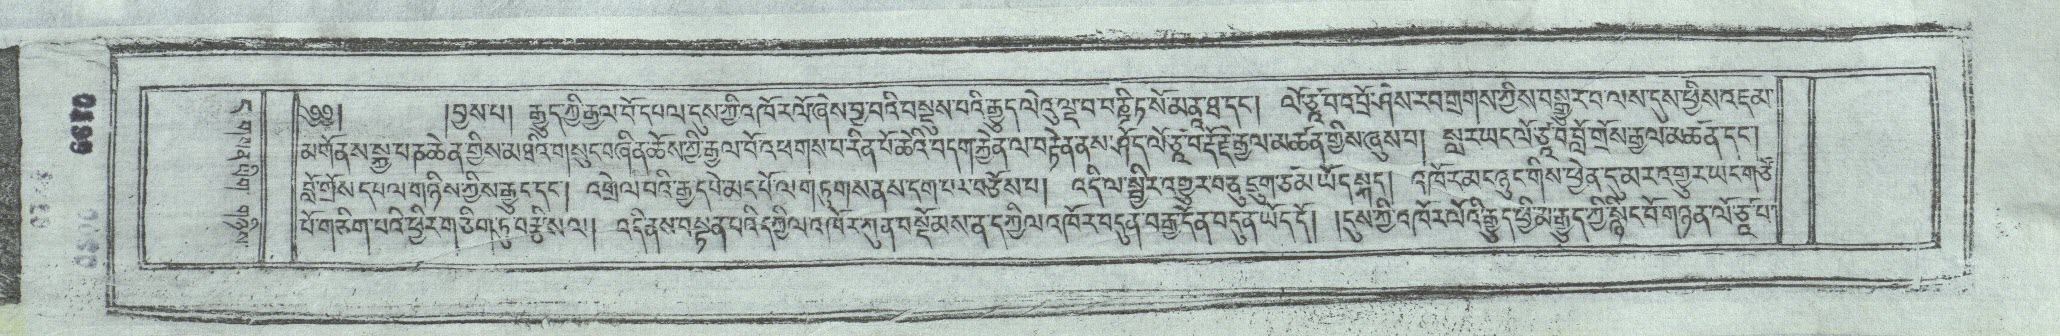༄༅། །བྱས་པ། རྒྱུད་ཀྱི་རྒྱལ་བོ་དཔལ་དུས་ཀྱི་འཁོར་ལོ་ཞེས་བྱ་བའི་བསྡུས་པའི་རྒྱུད་ལེའུ་ལྔ་བ་བ་ཎྜི་ཏ་སོ་མ་ནཱ་ཐ་དང་། ལོ་ཙཱ་པ་འབྲོ་ཤེས་རབ་གྲགས་ཀྱིས་བསྒྱུར་པ་ལས་དུས་ཕྱིས་འཇམ་
མགོ་ནས་སྐྱ་པཎ་ཆེན་གྱིས་མཐའི་གསུང་བཞིན་ཆོས་ཀྱི་རྒྱལ་བོ་འཕགས་པ་རིན་པོ་ཆེའི་བདག་རྐྱེན་ལ་བརྟེན་ནས་ཤོད་ལོ་ཙཱ་པ་རྡོ་རྗེ་རྒྱལ་མཚན་གྱིས་ཞུས་པ། སླར་ཡང་ལོ་ཙཱ་བ་བློ་གྲོས་རྒྱལ་མཚན་དང་།
བློ་གྲོས་དཔལ་གཉིས་ཀྱིས་རྒྱུད་དང་། འགྲེལ་བའི་རྒྱ་དཔེ་མང་པོ་ལ་གཏུགས་ནས་དག་པར་བཅོས་པ། འདི་ལ་སྦྱིར་འགྱུར་བཅུ་དྲུག་ཙམ་ཡོད་སྐད། འཁོར་མང་ཉུང་གིས་ཕྱེན་དུ་མར་འགྱུར་ཡང་གཙོ་
པོ་གཅིག་པའི་ཕྱིར་གཅིག་ཏུ་བརྩིས་ལ། འདི་ནས་བསྟན་པའི་དཀྱིལ་འཁོར་ཀུན་བསྡོམས་ན་དཀྱིལ་འཁོར་བདུན་བརྒྱ་དོན་བདུན་ཡོད་དོ། །དུས་ཀྱི་འཁོར་ལོའི་རྒྱུད་ཕྱི་མ་རྒྱུད་ཀྱི་སྙིང་པོ་གཉན་ལོ་ཙཱ་པ།